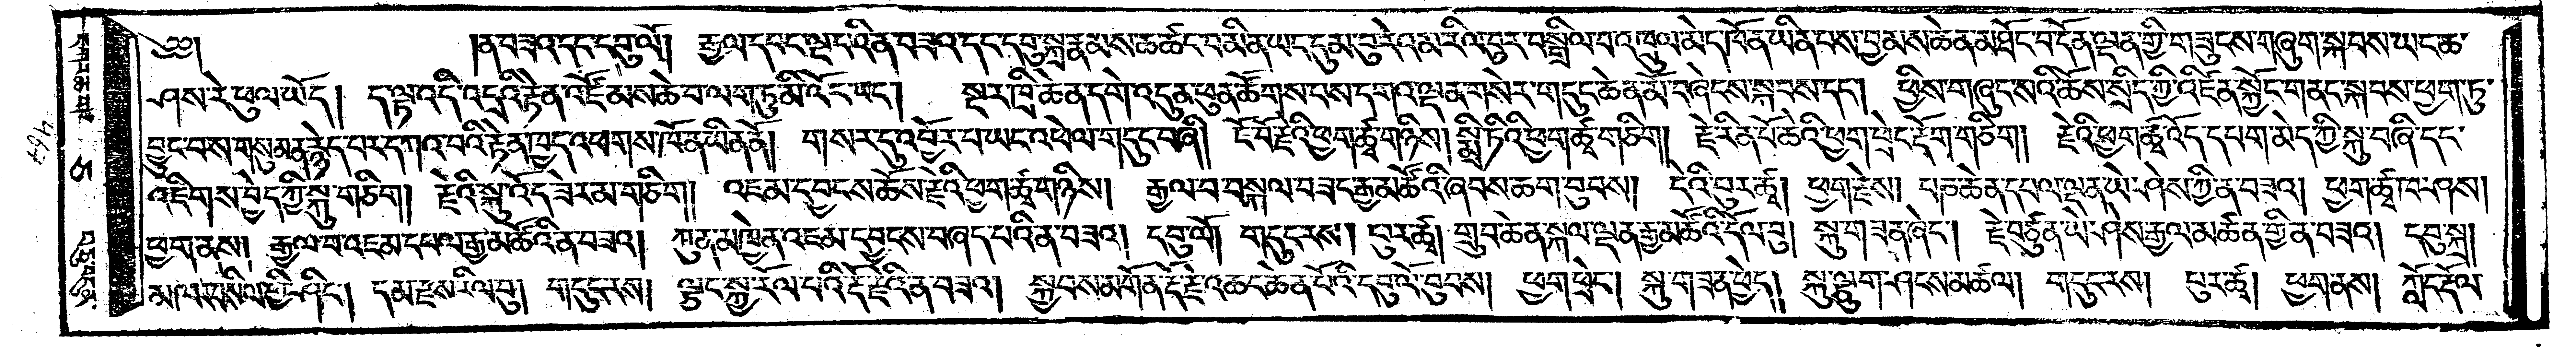༄༅། །ན་བཟའ་དང་དབུ་ལོ། རྒྱལ་དབང་ལྔ་པའི་ན་བཟའ་དང་དབུ་སྐྲ་རྣམས་ཆ་ཚང་བ་མིན་ཡང་དུམ་བུ་རེའང་རིལ་བུར་བསྒྲིལ་བ་འཁྲུལ་མེད་ཁོ་ན་ཡིན་པས་བྱམས་ཆེན་མཐོང་བ་དོན་ལྡན་གྱི་གཟུངས་གཞུག་སྐབས་ཡང་ཆ་
ཤས་རེ་ཕུལ་ཡོད། ད་ལྟ་འདི་འདྲའི་རྟེན་འཛོམས་ཆེ་བ་ལག་ཏུ་མི་འོང་ཡང་། སྔར་ཁྲི་ཆེན་དགེ་འདུན་ཕུན་ཚོགས་པས་དགའ་ལྡན་གསེར་གདུང་ཆེན་མོ་བཞེངས་སྐབས་དང་། ཕྱིས་གཞུང་སའི་ཆོས་སྲིད་ཀྱི་འཛིན་སྐྱོང་གནང་སྐབས་ཕྱག་ཏུ་
བྱུང་བས་གསུམ་ན་རྙེད་པར་དཀའ་བའི་རྟེན་ཁྱད་འཕགས་ཁོ་ན་ཡིན་ནོ། གསར་དུ་འབྱོར་པ་ཡང་འཕེལ་གདུང་བཞི། ཇོ་བོ་རྗེའི་ཕྱག་ཚྭ་གཉིས། སྨྲི་ཏིའི་ཕྱག་ཚྭ་གཅིག། རྗེ་རིན་པོ་ཆེའི་ཕྱག་ཕྲེང་རྡོག་གཅིག། རྗེའི་ཕྱག་ཚྭ་འོད་དཔག་མེད་ཀྱི་སྐུ་བཞི་དང་
འཇིགས་བྱེད་ཀྱི་སྐུ་གཅིག། རྗེའི་སྐུ་འོད་ཟེར་མ་གཅིག། འཇམ་དབྱངས་ཆོས་རྗེའི་ཕྱག་ཚྭ་གཉིས། རྒྱལ་བ་བསྐལ་བཟང་རྒྱ་མཚོའི་ཞབས་ཆག་བུབས། དེའི་བུར་ཚྭ། ཕྱག་རྗེས། པཎ་ཆེན་དང་དཔལ་ལྡན་ཡེ་ཤེས་ཀྱི་ན་བཟའ། ཕྱག་ཚྭ་ཁ་ཤས།
ཕྱག་ནས། རྒྱལ་པ་འཇམ་དཔལ་རྒྱ་མཚོའི་ན་བཟའ། ཀུན་མཁྱེན་འཇམ་དབྱངས་བཞད་པའི་ན་བཟའ། དབུ་ལོ། གདུང་རས། ཕུར་ཚྭ། གྲུབ་ཆེན་སྐལ་ལྡན་རྒྱ་མཚོའི་དོལ་བུ། སྐུ་གཟན་ཞེང་། རྗེ་བཙུན་ཡེ་ཤེས་རྒྱལ་མཚན་གྱི་ན་བཟའ། དབུ་སྐྲ།
མཁར་བསིལ་གྱི་ཤིང་། དམ་རྫས་རིལ་བུ། གདུང་རས། ལྕང་སྐྱ་རོལ་པའི་རྡོ་རྗེའི་ན་བཟའ། སྐྱབས་མགོན་རྡོ་རྗེ་འཆང་ཆེན་པོའི་དབུ་ལོ་བུབས། ཕྱག་ཕྲེང་། སྐུ་གཟན་ཕྱེད། སྐུ་ལྕུག་ཤངས་མཚལ། གདུང་རས། ཕུར་ཚྭ། ཕྱག་ནས། ཀློང་རྡོལ་